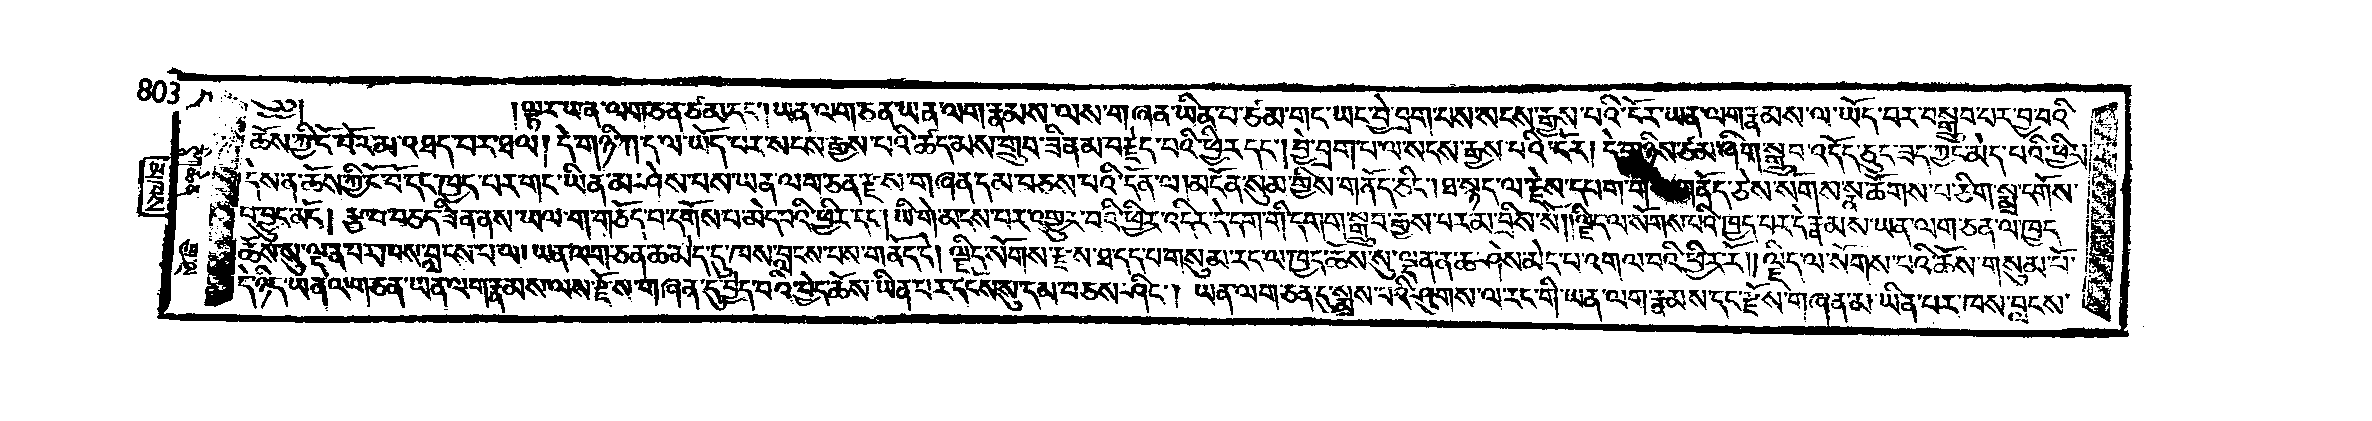༄༅། །ལྟར་ཡན་ལག་ཅན་ཙམ་དང་། ཡན་ལག་ཅན་ཡན་ལག་རྣམས་ལས་གཞན་ཡིན་པ་ཙམ་གང་ཡང་བྱེ་བྲག་པས་སངས་རྒྱས་པའི་ངོར་ཡན་ལག་རྣམས་ལ་ཡོད་པར་བསྒྲུབ་པར་བྱ་བའི་
ཆོས་ཀྱི་ངོ་བོར་མ་འཐད་པར་ཐལ། དེ་གཉི་ཀ་དེ་ལ་ཡོད་པར་སངས་རྒྱས་པའི་ཚད་མས་གྲུབ་ཟིན་མ་བརྗེད་པའི་ཕྱིར་དང་། བྱེ་བྲག་པ་ལ་སངས་རྒྱས་པའི་ངོར། དེ་གཉིས་ཙམ་ཞིག་སྒྲུབ་འདོད་ཅུང་ཟད་ཀྱང་མེད་པའི་ཕྱིར།
དེས་ན་ཆོས་ཀྱི་ངོ་བོ་དང་ཁྱད་པར་གང་ཡིན་མ་ཤེས་པས་ཡན་ལག་ཅན་རྫས་གཞན་དམ་བཅས་པའི་དོན་ལ། མངོན་སུམ་གྱིས་གནོད་ཅིང་། ཐ་སྙད་ལ་རྗེས་དཔག་གིས་གནོད་ཅེས་སོགས་སྣ་ཚོགས་པ་ཅིག་སྨྲ་དགོས་
པ་བྱུང་མོད། རྩ་བ་བཅད་ཟིན་ནས་ཡལ་ག་གཅོད་པ་དགོས་པ་མེད་པའི་ཕྱིར་དང་། ཡི་གེ་མདས་པར་འགྱུར་བའི་ཕྱིར་འདིར་དེ་དག་གི་དགག་སྒྲུབ་རྒྱས་པར་མ་བྲིས་སོ། །ལྗིད་ལ་སོགས་པའི་ཁྱད་པར་དེ་རྣམས་ཡན་ལག་ཅན་ལ་ཁྱད་
ཆོས་སུ་ལྡན་པར་ཁས་བླངས་པ་ལ། ཡན་ལག་ཅན་ཆ་མེད་དུ་ཁས་བླངས་པས་གནོད་དེ། ལྗིད་སོགས་རྫས་ཐ་དད་པ་གསུམ་རང་ལ་ཁྱད་ཆོས་སུ་ལྡན་ན་ཆ་ཤེས་མེད་པ་འགལ་བའི་ཕྱིར་རོ། །ལྗིད་ལ་སོགས་པའི་ཆོས་གསུམ་པོ་
དེ་ཉིད་ཡན་ལག་ཅན་ཡན་ལག་རྣམས་ལས་རྫོས་གཞན་དུ་བྱེད་པའི་བྱེད་ཆོས་ཡིན་པར་དངོས་སུ་དམ་བཅས་ཤིང་། ཡན་ལག་ཅན་དུ་སྨྲས་པའི་ཤུགས་ལ་རང་གི་ཡན་ལག་རྣམས་དང་རྫོས་གཞན་མ་ཡིན་པར་ཁས་བླངས་